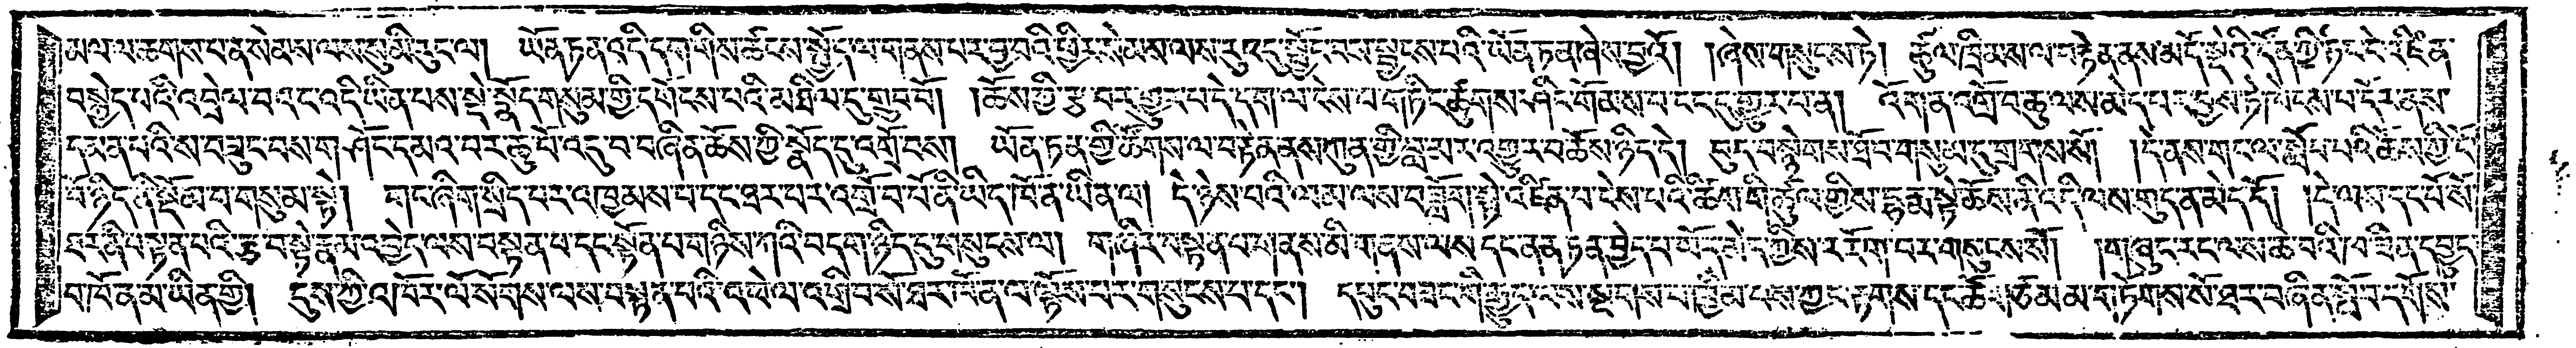མལ་ལ་ཆགས་པ་ན་སེམས་ལས་སུ་མི་རུང་ལ། ཡོན་ཏན་འདི་དག་གིས་ཚངས་སྤྱོད་ལ་གནས་པར་བྱ་བའི་ཕྱིར་སེམས་ལས་རུང་དུ་སྦྱོང་བས་སྦྱངས་པའི་ཡོན་ཏན་ཞེས་བྱའོ། །ཞེས་གསུངས་ཏེ། ཚུལ་ཁྲིམས་ལ་བརྟེན་ནས་མདོ་སྡེའི་དོན་གྱི་ཏིང་ངེ་འཛིན་
བསྐྱེད་པའི་འབྲེལ་བའང་འདི་ཡིན་པས་སྡེ་སྣོད་གསུམ་གྱི་དགོངས་པའི་མཐིལ་དུ་གྲུབ་བོ། །ཆོས་ཀྱི་རྩ་བར་གྱུར་པ་དེ་དག་ལ་ངེས་པ་གཏིང་ཚུགས་ཤིང་གོམས་པ་ངང་དུ་གྱུར་པ་ན། འོག་ན་འགྲོ་བ་ཆུ་ལས་མེད་པར་བྱས་ཏེ་ཁེངས་པ་དོར་ནས་
དམན་པའི་ས་བཟུང་བས་གཤོང་དམའ་བར་ཆུ་བོ་འདུ་བ་བཞིན་ཆོས་ཀྱི་སྣོད་དུ་འགྲོ་བས། ཡོན་ཏན་གྱི་ཚོགས་ལ་བརྟེན་ནས་ཀུན་གྱི་བླ་མར་འགྱུར་པ་ཆོས་ཉིད་དེ། བུད་བསྙེགས་ཐོབ་གསུམ་དུ་གྲགས་སོ། །དེ་ནས་གང་ལ་སློབ་པའི་ཆོས་ཀྱི་ངོ་
བོ་ཉིད་ནི་སྡོམ་པ་གསུམ་སྟེ། གང་ཞིག་སྲིད་བར་འཁྱམས་པ་དང་ཐར་བར་འགྲོ་བ་པོ་ནི་ཡིད་ཁོ་ན་ཡིན་ལ། དེ་ཉེས་བའི་ལམ་ལས་བཟློག་སྟེ་འཛིན་བ་ངེས་བའི་ཚིག་གི་ཚུལ་གྱིས་དྷརྨ་སྟེ་ཆོས་ནི་འདི་ལས་གུད་ན་མེད་དོ། །དེ་ལས་དང་པོ་སོ་
ཐར་ནི་བསྟན་པའི་རྩ་བ་སྟེ་རྣམ་འབྱེད་ལས་བསྟན་པ་དང་སྟོན་པ་གཉིས་ཀའི་བདག་ཉིད་དུ་གསུངས་ལ། གཞིར་བསྟན་པ་གནས་མི་གནས་ལས་དང་ནན་ཏན་བྱེད་པ་ཡོད་མེད་ཀྱིས་འཇོག་པར་གསུངས་སོ། །གཞུང་རང་ལས་ཆེ་བའི་ཁ་ཟིན་དབྱུད་
བ་ཁོ་ན་མ་ཡིན་གྱི། དུས་ཀྱི་འཁོར་ལོ་སོགས་ལས་བསྟན་པའི་འཕེལ་འགྲིབ་སོ་ཐར་ཁོ་ན་ལ་ལྟོས་པར་གསུངས་པ་དང་། དཔུང་བཟང་གི་རྒྱུད་ལས་སྔགས་པ་ཁྱིམ་བས་ཀྱང་རྟགས་དང་ཆོ་ག་ཙམ་མ་གཏོགས་སོ་ཐར་བཞིན་སློབ་དགོས་